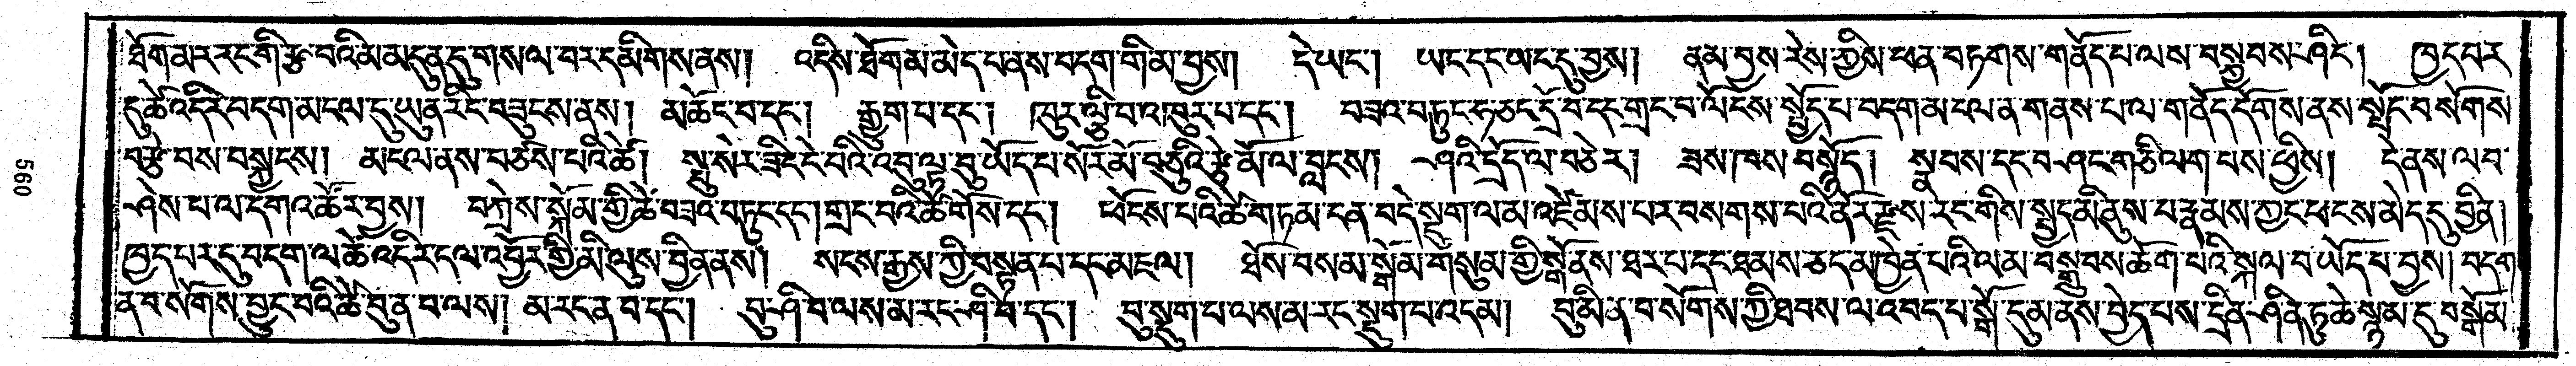ཐོག་མར་རང་གི་རྩ་བའི་མ་མདུན་དུ་གསལ་བར་དམིགས་ནས། འདིས་ཐོག་མ་མེད་པ་ནས་བདག་གི་མ་བྱས། དེ་ཡང་། ཡང་དང་ཡང་དུ་བྱས། ནམ་བྱས་རེས་ཀྱིས་ཕན་བཏགས་གནོད་པ་ལས་བསྐྱབས་ཤིང་། ཁྱད་བར་
དུ་ཚེ་འདིར་བདག་མངལ་དུ་ཡུན་རིང་བཟུངས་ནས། མཆོད་བ་དང་། རྒྱུག་པ་དང་། ཁུར་ལྕི་བ་འཁུར་པ་དང་། བཟའ་བཏུང་ཧ་ཅང་དྲོ་བ་དང་གྲང་བ་ལོངས་སྤྱོད་པ་བདག་མངལ་ན་གནས་པ་ལ་གནོད་དོགས་ནས་སྤོང་བ་སོགས་
བརྩེ་བས་བསྐྱངས། མངལ་ནས་བཙས་པའི་ཚེ། སྤུ་སེར་ཟིང་ངེ་བའི་འབུ་ལྟ་བུ་ཡོད་པ་སོར་མོ་བཅུའི་རྩེ་མོ་ལ་བླངས། ཤའི་དྲོད་ལ་བཅེར། ཟས་ཁས་བསྙོད། སྣབས་དང་བཤང་གཅི་ལག་པས་ཕྱིས། དེ་ནས་ལབ་
ཤེས་པ་ལ་དགའ་ཚོར་བྱས། བཀྲེས་སྐོམ་གྱི་ཚེ་བཟའ་བཏུང་དང་། གྲང་བའི་ཚེ་གོས་དང་། ཕོངས་པའི་ཚེ་གཏམ་ངན་བདེ་སྡུག་ལ་མ་འཛེམས་པར་བསགས་པའི་ནོར་རྫས་རང་གིས་སྤྱད་མི་ནུས་པ་རྣམས་ཀྱང་ཕངས་མེད་དུ་བྱིན།
ཁྱད་པར་དུ་བདག་ལ་ཚེ་འདིར་དལ་འབྱོར་གྱི་མི་ལུས་བྱིན་ནས། སངས་རྒྱས་ཀྱི་བསྟན་པ་དང་མཇལ། ཐོས་བསམ་སྒོམ་གསུམ་གྱི་སྒོ་ནས་ཐར་པ་དང་ཐམས་ཅད་མཁྱེན་པའི་ལམ་བསྒྲུབས་ཆོག་པའི་སྐལ་བ་ཡོད་པ་བྱས། བདག་
ན་བ་སོགས་བྱུང་བའི་ཚེ་བུ་ན་བ་ལས། མ་རང་ན་བ་དང་། བུ་ཤི་བ་ལས་མ་རང་ཤི་བ་དང་། བུ་སྡུག་པ་ལས་མ་རང་སྡུག་པ་འདམ། བུ་མིན་བ་སོགས་ཀྱི་ཐབས་ལ་འབད་པ་སྒོ་དུ་མ་ནས་བྱེད་པས་དྲིན་ཤིན་ཏུ་ཆེ་སྙམ་དུ་བསྒོམ་